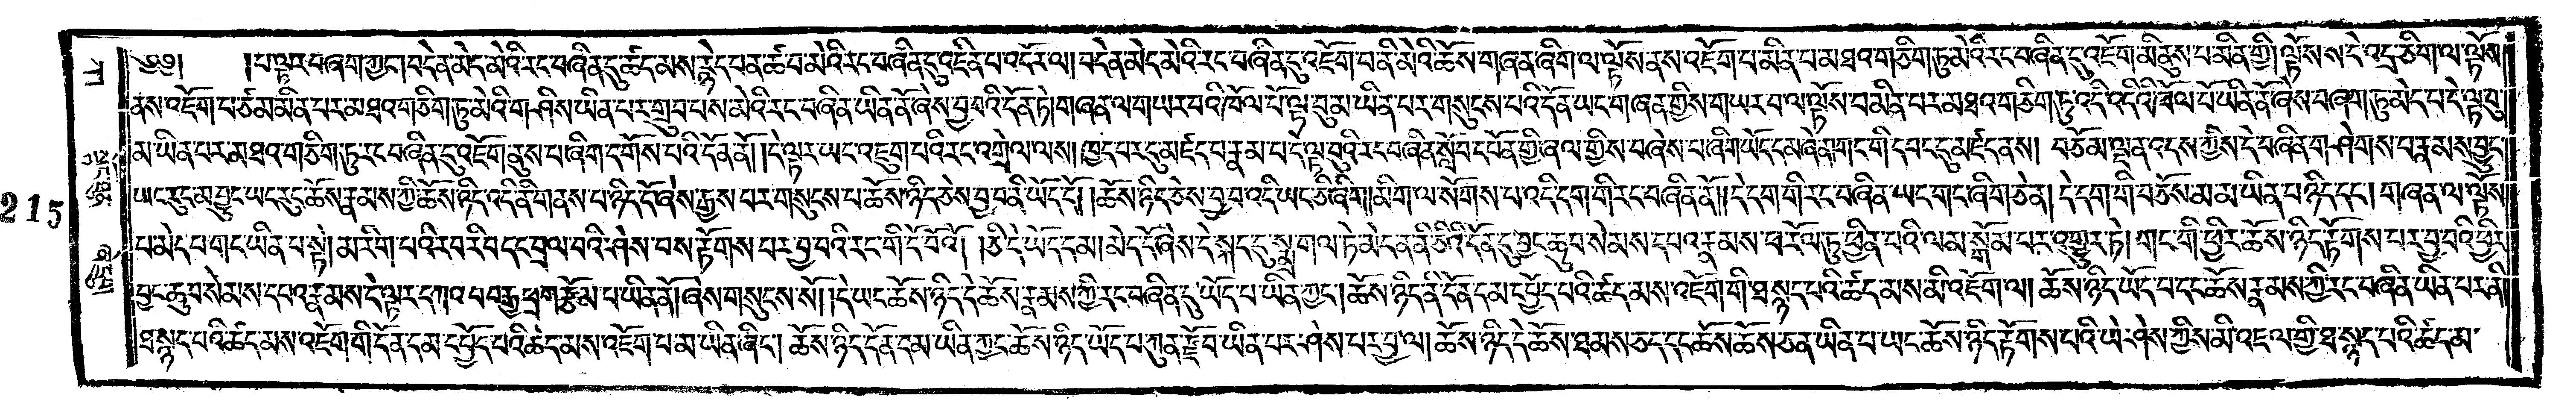༄༅། །པ་ལྟར་བཞག་ཀྱང་། བདེན་མེད་མེའི་རང་བཞིན་དུ་ཚད་མས་རྙེད་པ་ན་ཚ་བ་མེའི་རང་བཞིན་དུ་འཛིན་པ་འདོར་ལ། བདེན་མེད་མེའི་རང་བཞིན་དུ་འཇོག་བ་ནི་མེའི་ཆོས་གཞན་ཞིག་ལ་ལྟོས་ནས་འཇོག་པ་མིན་པ་མཐའ་གཅིག་ཏུ་མེའི་རང་བཞིན་དུ་འཇོག་མི་ནུས་པ་མིན་གྱི། ལྟོས་ས་དེ་འདྲ་ཅིག་ལ་ལྟོས་
ནས་འཇོག་པ་ཙམ་མིན་པར་མཐའ་གཅིག་ཏུ་མེའི་གཤིས་ཡིན་པར་གྲུབ་པས་མེའི་རང་བཞིན་ཡིན་ནོ་ཞེས་བྱ་བའི་དོན་ཏེ། གཞན་ལ་གཡར་བའི་ཁོལ་པོ་ལྟ་བུ་མ་ཡིན་པར་གསུངས་པའི་དོན་ཡང་གཞན་གྱིས་གཡར་བ་ལ་ལྟོས་བ་མིན་པར་མཐའ་གཅིག་ཏུ་འདི་འདིའི་ཁོལ་པོ་ཡིན་ནོ་ཞེས་བཞག་ཏུ་མེད་པ་དེ་ལྟ་བུ་
མ་ཡིན་པར་མཐའ་གཅིག་ཏུ་རང་བཞིན་དུ་འཇོག་ནུས་པ་ཞིག་དགོས་པའི་དོན་ནོ། །དེ་ལྟར་ཡང་འཇུག་པའི་རང་འགྲེལ་ལས། ཁྱད་པར་དུ་མཛད་པ་རྣམ་པ་དེ་ལྟ་བུའི་རང་བཞིན་སློབ་དཔོན་གྱི་ཞལ་གྱིས་བཞེས་པ་ཞིག་ཡོད་དམ་ཞེ་ན། གང་གི་དབང་དུ་མཛད་ནས། བཅོམ་ལྡན་འདས་ཀྱིས་དེ་བཞིན་གཤེགས་པ་རྣམས་བྱུང་
ཡང་རུང་མ་བྱུང་ཡང་རུང་ཆོས་རྣམས་ཀྱི་ཆོས་ཉིད་འདི་ནི་གནས་པ་ཉིད་དོ་ཞེས་རྒྱས་པར་གསུངས་པ་ཆོས་ཉིད་ཅེས་བྱ་བ་ནི་ཡོད་དོ། །ཆོས་ཉིད་ཅེས་བྱ་བ་འདི་ཡང་ཅི་ཞིག། མིག་ལ་སོགས་པ་འདི་དག་གི་རང་བཞིན་ནོ། །དེ་དག་གི་རང་བཞིན་ཡང་གང་ཞིག་ཅེ་ན། དེ་དག་གི་བཅོས་མ་མ་ཡིན་པ་ཉིད་དང་། གཞན་ལ་ལྟོས་
པ་མེད་པ་གང་ཡིན་པ་སྟེ། མ་རིག་པའི་རབ་རིབ་དང་བྲལ་བའི་ཤེས་བས་རྟོགས་པར་བྱ་བའི་རང་གི་ངོ་བོའོ། །ཅི་དེ་ཡོད་དམ། མེད་དོ་ཞེས་དེ་སྐད་དུ་སྨྲ་གལ་ཏེ་མེད་ན་ནི་ཅིའི་དོན་དུ་བྱང་ཆུབ་སེམས་དཔའ་རྣམས་ཕ་རོལ་ཏུ་ཕྱིན་པའི་ལམ་སྒོམ་པར་འགྱུར་ཏེ། གང་གི་ཕྱིར་ཆོས་ཉིད་རྟོགས་པར་བྱ་བའི་ཕྱིར་
བྱང་ཆུབ་སེམས་དཔའ་རྣམས་དེ་ལྟར་དཀའ་བ་བརྒྱ་ཕྲག་རྩོམ་པ་ཡིན་ནོ། ཞེས་གསུངས་སོ། །དེ་ཡང་ཆོས་ཉིད་དེ་ཆོས་རྣམས་ཀྱི་རང་བཞིན་དུ་ཡོད་པ་ཡིན་ཀྱང་། ཆོས་ཉིད་ནི་དོན་དམ་དཔྱོད་པའི་ཚད་མས་འཇོག་གི་ཐ་སྙད་པའི་ཚད་མས་མི་འཇོག་ལ། ཆོས་ཉིད་ཡོད་བ་དང་ཆོས་རྣམས་ཀྱི་རང་བཞིན་ཡིན་པར་ནི་
ཐ་སྙད་པའི་ཚད་མས་འཇོག་གི་དོན་དམ་དཔྱོད་པའི་ཚད་མས་འཇོག་པ་མ་ཡིན་ཞིང་། ཆོས་ཉིད་དོན་དམ་ཡིན་ཀྱང་ཆོས་ཉིད་ཡོད་པ་ཀུན་རྫོབ་ཡིན་པར་ཤེས་པར་བྱ་ལ། ཆོས་ཉིད་དེ་ཆོས་ཐམས་ཅད་དང་ཆོས་ཆོས་ཅན་ཡིན་པ་ཡང་ཆོས་ཉིད་རྟོགས་པའི་ཡེ་ཤེས་ཀྱིས་མི་འཇལ་གྱི་ཐ་སྙད་པའི་ཚད་མ་